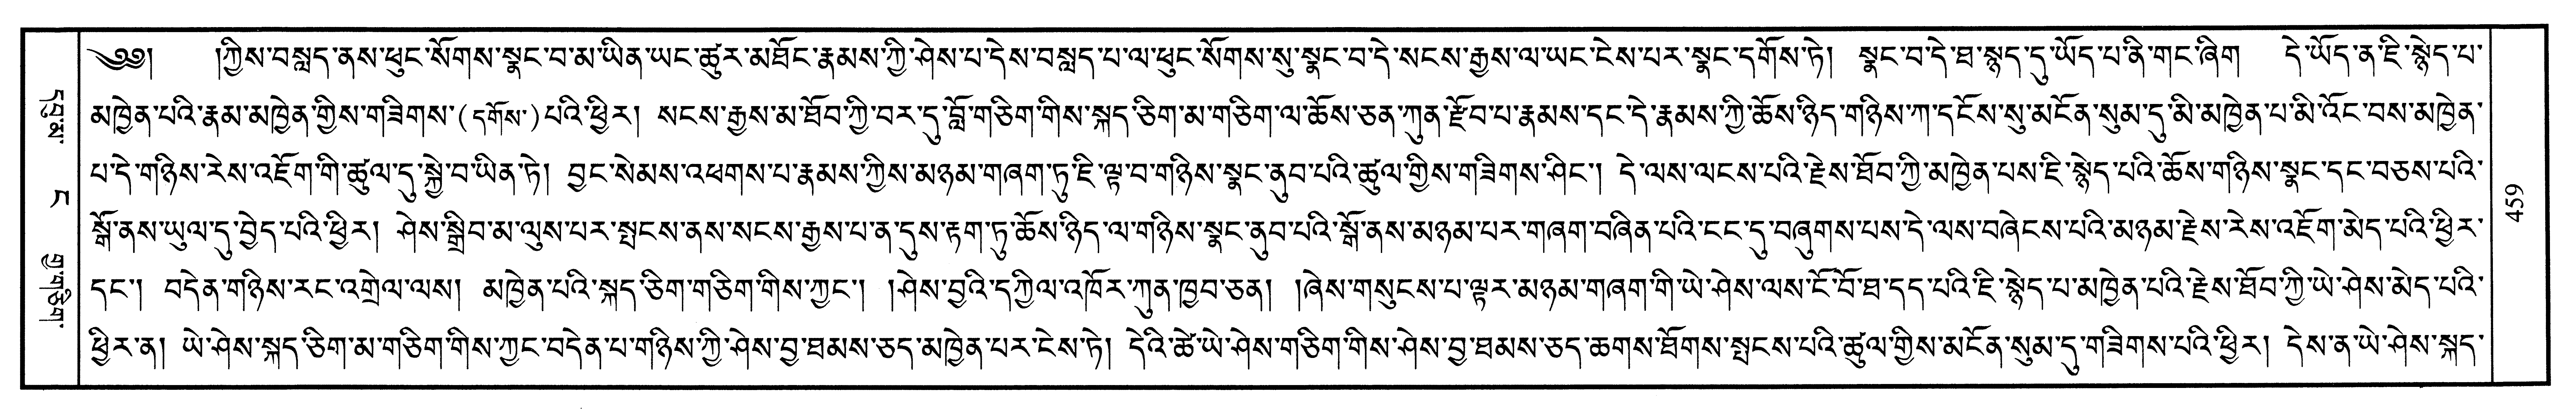༄༅། །ཀྱིས་བསླད་ནས་ཕུང་སོགས་སྣང་བ་མ་ཡིན་ཡང་ཚུར་མཐོང་རྣམས་ཀྱི་ཤེས་པ་དེས་བསླད་པ་ལ་ཕུང་སོགས་སུ་སྣང་བ་དེ་སངས་རྒྱས་ལ་ཡང་ངེས་པར་སྣང་དགོས་ཏེ། སྣང་བ་དེ་ཐ་སྙད་དུ་ཡོད་པ་ནི་གང་ཞིག །དེ་ཡོད་ན་ཇི་སྙེད་པ་
མཁྱེན་པའི་རྣམ་མཁྱེན་གྱིས་གཟིགས་དགོས་པའི་ཕྱིར། སངས་རྒྱས་མ་ཐོབ་ཀྱི་བར་དུ་བློ་གཅིག་གིས་སྐད་ཅིག་མ་གཅིག་ལ་ཆོས་ཅན་ཀུན་རྫོབ་པ་རྣམས་དང་དེ་རྣམས་ཀྱི་ཆོས་ཉིད་གཉིས་ཀ་དངོས་སུ་མངོན་སུམ་དུ་མི་མཁྱེན་པ་མི་འོང་བས་མཁྱེན་
པ་དེ་གཉིས་རེས་འཇོག་གི་ཚུལ་དུ་སྐྱེ་བ་ཡིན་ཏེ། བྱང་སེམས་འཕགས་པ་རྣམས་ཀྱིས་མཉམ་གཞག་ཏུ་ཇི་ལྟ་བ་གཉིས་སྣང་ནུབ་པའི་ཚུལ་གྱིས་གཟིགས་ཤིང་། དེ་ལས་ལངས་པའི་རྗེས་ཐོབ་ཀྱི་མཁྱེན་པས་ཇི་སྙེད་པའི་ཆོས་གཉིས་སྣང་དང་བཅས་པའི་
སྒོ་ནས་ཡུལ་དུ་བྱེད་པའི་ཕྱིར། ཤེས་སྒྲིབ་མ་ལུས་པར་སྤངས་ནས་སངས་རྒྱས་པ་ན་དུས་རྟག་ཏུ་ཆོས་ཉིད་ལ་གཉིས་སྣང་ནུབ་པའི་སྒོ་ནས་མཉམ་པར་གཞག་བཞིན་པའི་ངང་དུ་བཞུགས་པས་དེ་ལས་བཞེངས་པའི་མཉམ་རྗེས་རེས་འཇོག་མེད་པའི་ཕྱིར་
དང་། བདེན་གཉིས་རང་འགྲེལ་ལས། མཁྱེན་པའི་སྐད་ཅིག་གཅིག་གིས་ཀྱང་། །ཤེས་བྱའི་དཀྱིལ་འཁོར་ཀུན་ཁྱབ་ཅན། །ཞེས་གསུངས་པ་ལྟར་མཉམ་གཞག་གི་ཡེ་ཤེས་ལས་ངོ་བོ་ཐ་དད་པའི་ཇི་སྙེད་པ་མཁྱེན་པའི་རྗེས་ཐོབ་ཀྱི་ཡེ་ཤེས་མེད་པའི་
ཕྱིར་ན། ཡེ་ཤེས་སྐད་ཅིག་མ་གཅིག་གིས་ཀྱང་བདེན་པ་གཉིས་ཀྱི་ཤེས་བྱ་ཐམས་ཅད་མཁྱེན་པར་ངེས་ཏེ། དེའི་ཚེ་ཡེ་ཤེས་གཅིག་གིས་ཤེས་བྱ་ཐམས་ཅད་ཆགས་ཐོགས་སྤངས་པའི་ཚུལ་གྱིས་མངོན་སུམ་དུ་གཟིགས་པའི་ཕྱིར། དེས་ན་ཡེ་ཤེས་སྐད་